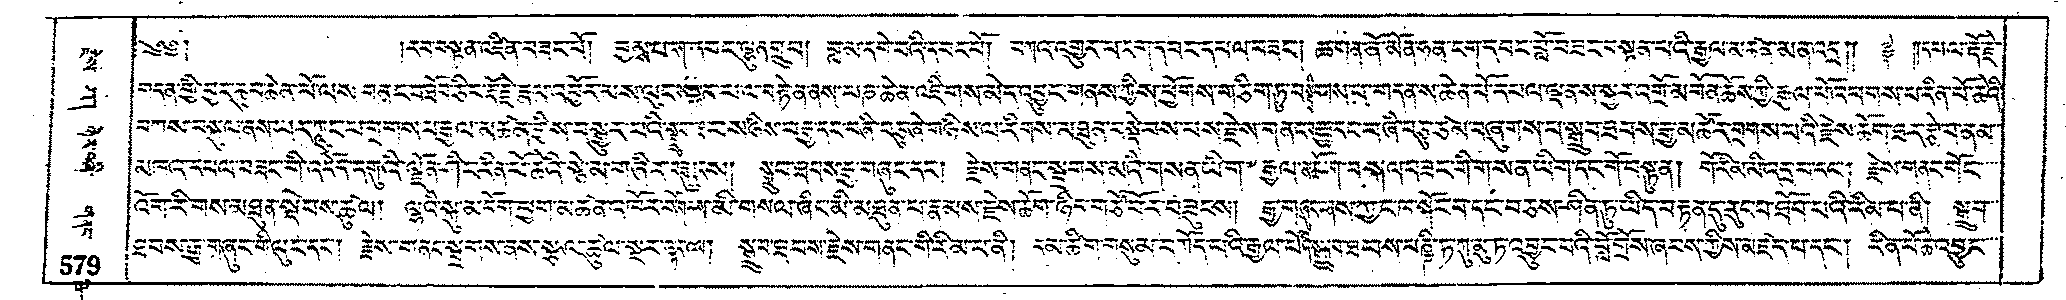༄༅། །རབ་བསྟན་འཛིན་བཟང་པོ། བྱམས་པ་ངག་དབང་ལྷུན་གྲུབ། བླ་མ་དགེ་བའི་དབང་པོ། བཀའ་འགྱུར་པ་ངག་དབང་དཔལ་བཟང་། ཆ་གན་ནོ་མོན་ཧན་ངག་དབང་བློ་བཟང་བསྟན་པའི་རྒྱལ་མཚན་མན་འདྲ།། འ་།།དཔལ་རྡོ་རྗེ་
གདན་གྱི་བྱང་ཆུབ་ཆེན་པོ་ལས་གནང་བ་ཐོབ་ཅིང་རྡོ་རྗེ་རྣལ་འབྱོར་མས་ལུང་བསྟན་པ་ལ་བརྟེན་ནས་པཎ་ཆེན་འཇིགས་མེད་འབྱུང་གནས་ཀྱིས་ཕྱོགས་གཅིག་ཏུ་བསྒྲིགས་པ་གདན་ས་ཆེན་པོ་དཔལ་ལྡན་ས་སྐྱར་འགྲོ་མགོན་ཆོས་ཀྱི་རྒྱལ་པོ་འཕགས་པ་རིན་པོ་ཆེའི་
བཀས་བསྐུལ་ནས་ཡར་ཀླུང་པ་གྲགས་པ་རྒྱལ་མཚན་གྱིས་བསྒྱུར་པའི་སྒྲུབ་ཐབས་ཉིས་བརྒྱ་དང་བཞི་བཅུ་ཞེ་གཉིས་ལ་རིགས་མཐུན་བསྡེབས་པས་རྗེས་གནང་བརྒྱ་དང་བཞི་བཅུ་ཙམ་བཞུགས་པ་སྒྲུབ་ཐབས་རྒྱ་མཚོར་གྲགས་པའི་རྗེས་ཆོག་ཐར་རྩེ་བ་ནམ་
མཁའ་དཔལ་བཟང་གི་འདོད་དགུའི་ལྗོན་ཤིང་རིན་པོ་ཆེའི་སྙེ་མ་གཞིར་བཟུངས། སྒྲུབ་ཐབས་རྒྱ་གཞུང་དང་། རྗེས་གནང་སྦྲགས་མའི་གསན་ཡིག་འ་རྒྱལ་མཆོག་བསྐལ་བཟང་གི་གསན་ཡིག་དང་གོ་བསྟུན། གོ་རིམ་མི་འདྲ་བ་དང་། རྗེས་གནང་གོང་
འོག་རིགས་མཐུན་སྡེབས་ཚུལ། ལྷའི་སྐུ་མདོག་ཕྱག་མཚན་འཁོར་སོགས་མི་གསལ་ཞིང་མི་མཐུན་པ་རྣམས་རྗེས་ཆོག་ཉིད་གཙོ་བོར་བཟུངས། རྒྱ་གཞུང་ནས་ཀྱང་ཁ་སྐོང་བ་དང་བཅས་ཤིན་ཏུ་ཡིད་བརྟན་དུ་རུང་བ་ཐོབ་པའི་རིམ་པ་ནི། སྒྲུབ་
ཐབས་རྒྱ་གཞུང་གི་ལུང་དང་། རྗེས་གནང་སྦྲགས་ནས་སྩལ་ཚུལ་སྔར་ལྟར་ལ། སྒྲུབ་ཐབས་རྗེས་གནང་གི་རིམ་པ་ནི། དམ་ཚིག་གསུམ་བཀོད་པའི་རྒྱལ་པོའི་སྒྲུབ་ཐབས་པཎྜི་ཏ་ཀུ་མུ་ཏ་འབྱུང་བའི་བློ་གྲོས་ཞབས་ཀྱིས་མཛད་པ་དང་། རིན་པོ་ཆེ་འབྱུང་